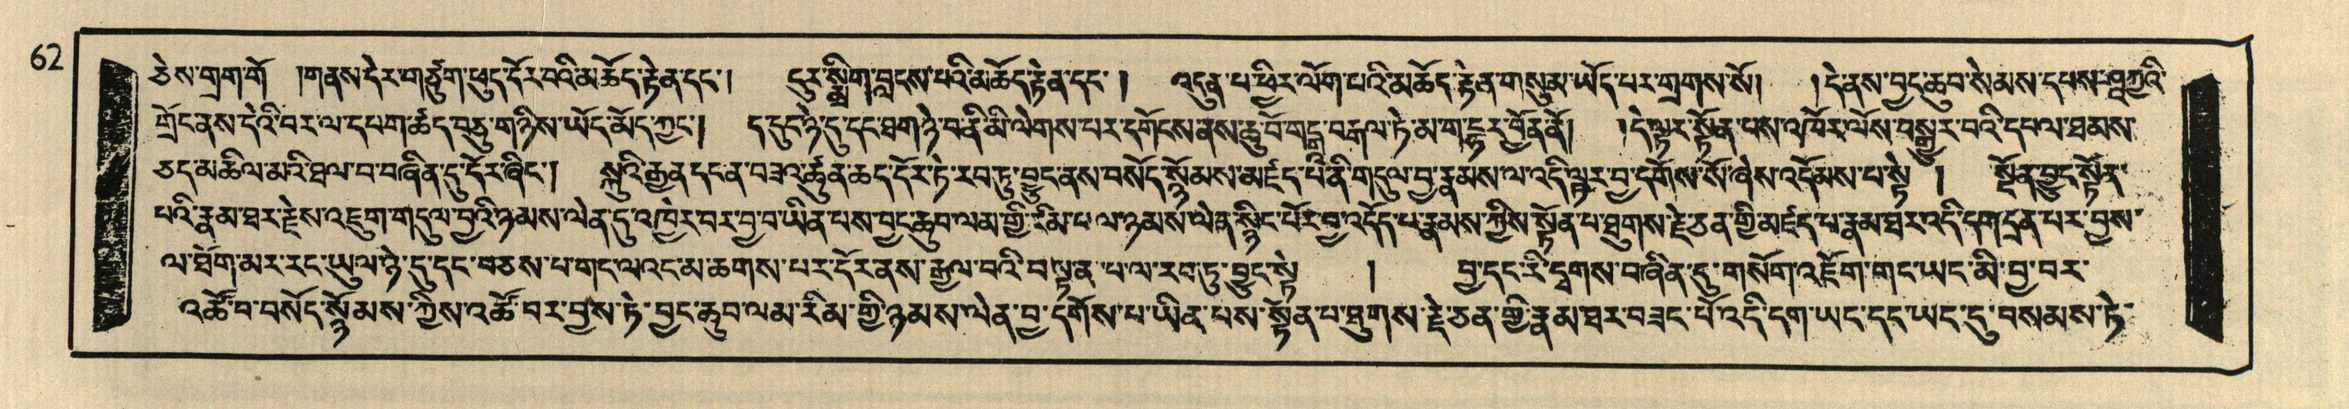ཅེས་གྲག་གོ །གནས་དེར་གཙུག་ཕུད་དོར་བའི་མཆོད་རྟེན་དང་། དུར་སྨྲིག་བླངས་པའི་མཆོད་རྟེན་དང་། འདུན་པ་ཕྱིར་ལོག་པའི་མཆོད་རྟེན་གསུམ་ཡོད་པར་གྲགས་སོ། །དེ་ནས་བྱང་ཆུབ་སེམས་དཔས་ཤཱཀྱའི་
གྲོང་ནས་དེའི་བར་ལ་དཔག་ཚད་བཅུ་གཉིས་ཡོད་མོད་ཀྱང་། ད་དུང་ཉེ་དུ་དང་ཐག་ཉེ་བ་ནི་མི་ལེགས་པར་དགོངས་ནས་ཆུ་བོ་གངྒཱ་བརྒལ་ཏེ་མ་ག་དྷར་བྱོན་ནོ། །དེ་ལྟར་སྟོན་པས་འཁོར་ལོས་བསྒྱུར་བའི་དཔལ་ཐམས་
ཅད་མཆིལ་མའི་ཐལ་བ་བཞིན་དུ་དོར་ཞིང་། སྐུའི་རྒྱན་དང་ན་བཟའ་ཚུན་ཆད་དོར་ཏེ་རབ་ཏུ་བྱུང་ནས་བསོད་སྙོམས་མཛད་པ་ནི་གདུལ་བྱ་རྣམས་ལ་འདི་ལྟར་བྱ་དགོས་སོ་ཞེས་འདོམས་པ་སྟེ། སྔོན་བྱུང་སྟོན་
པའི་རྣམ་ཐར་རྗེས་འཇུག་གདུལ་བྱའི་ཉམས་ལེན་དུ་འཁྱེར་བར་བྱ་བ་ཡིན་པས་བྱང་ཆུབ་ལམ་གྱི་རིམ་པ་ལ་ཉམས་ལེན་སྙིང་པོར་བྱ་འདོད་པ་རྣམས་ཀྱིས་སྟོན་པ་ཐུགས་རྗེ་ཅན་གྱི་མཛད་པ་རྣམ་ཐར་འདི་དག་དྲན་པར་བྱས་
ལ་ཐོག་མར་རང་ཡུལ་ཉེ་དུ་དང་བཅས་པ་གང་ལའང་མ་ཆགས་པར་དོར་ནས་རྒྱལ་བའི་བསྟན་པ་ལ་རབ་ཏུ་བྱུང་སྟེ་། བྱ་དང་རི་དྭགས་བཞིན་དུ་གསོག་འཇོག་གང་ཡང་མི་བྱ་བར་
འཚོ་བ་བསོད་སྙོམས་ཀྱིས་འཚོ་བར་བྱས་ཏེ་བྱང་ཆུབ་ལམ་རིམ་གྱི་ཉམས་ལེན་བྱ་དགོས་པ་ཡིན་པས་སྟོན་པ་ཐུགས་རྗེ་ཅན་གྱི་རྣམ་ཐར་བཟང་པོ་འདི་དག་ཡང་དང་ཡང་དུ་བསམས་ཏེ་